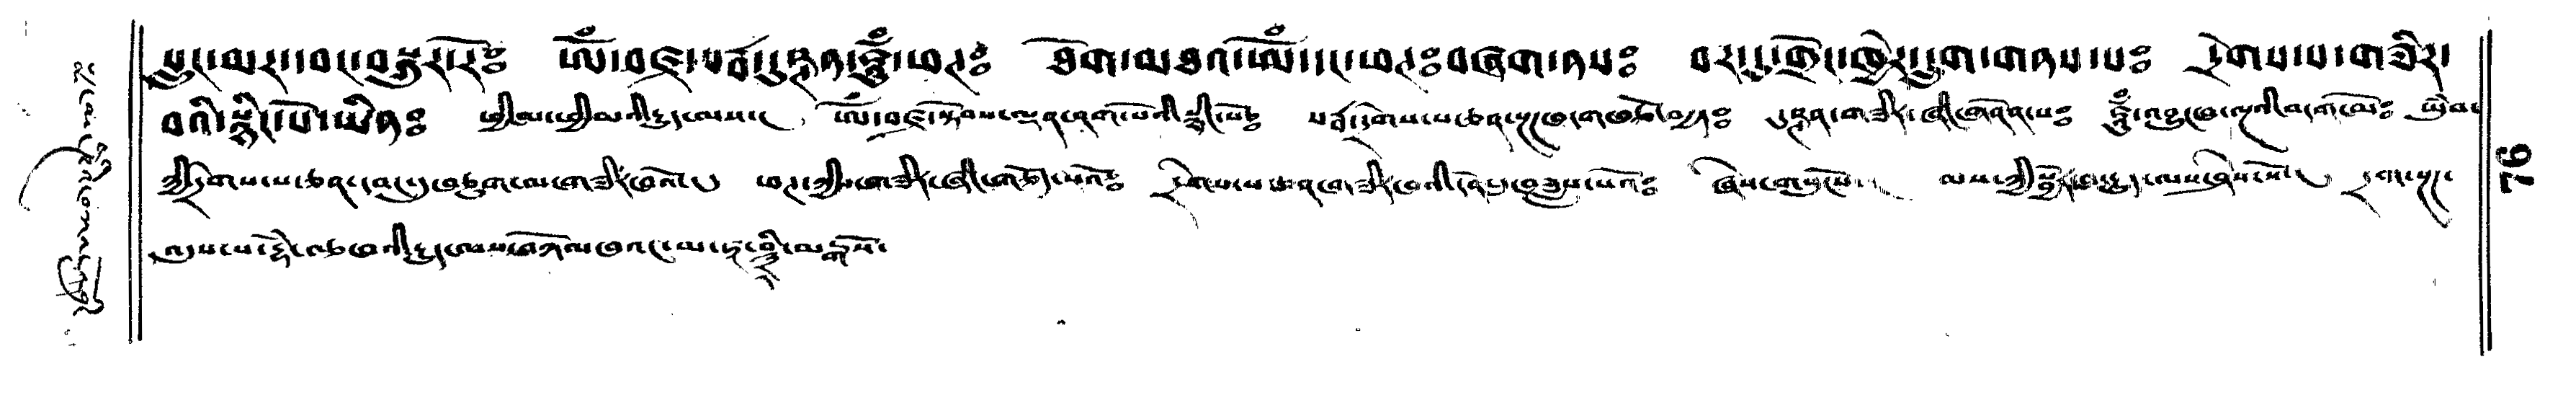སྲུང་མར་དབང་བསྐུར་རོཿ ཨོཾ་བཛྲ་སརྦ་དུཥྚན་ཧཱུྃ་ཕཊཿ ཐོག་མཐའ་ཨོཾ་དང་ཕཊཿབཞག་ནསཿ བར་དུ་གྲོང་ཁྱེར་དྲུག་གནས་པཿ དྲེགས་པ་གཟིར་
བའི་སྙིང་པོ་ཡིནཿ ཕྱི་མ་ཕྱི་མའི་རྒྱུད་ལས། ཨོཾ་བཛྲ་སྟོབས་ལྡན་ནག་པོའི་སྙིང་པོཿ སརྦ་དྲེགས་པ་ཅན་སྔགས་བདག་བཅོ་བརྒྱད༔ དུཥྚན་གཟིར་ཞིང་གནོན་པཿ ཧཱུྃ་འབྱུང་བ་ལྔའི་བདག་མོ༔ ཡབ་ཡུམ་
གྱིས་དྲེགས་པ་ཅན་དབང་དུ་བཅུག་ལ་གཟིར་བའོ། ཕཊ་ཀྱིས་གཟིར་ཞིང་གཅོད་པའོཿ དྲེགས་ཅན་གཟིར་བའི་དོན་དུ་བཟླས་པའོཿ ཞེས་གསུངས་སོ། ལས་ཀྱི་སྦྱོར་བ་རྒྱུད་ལས་ཤེས་སོ། དྲག་སྔགས་
འདུས་པ་རྡོ་རྗེ་རྩ་བའི་རྒྱུད་ལས་བཀོལ་བའང་མ་ཧཱ་ཤྲི་སངྒསོ། །